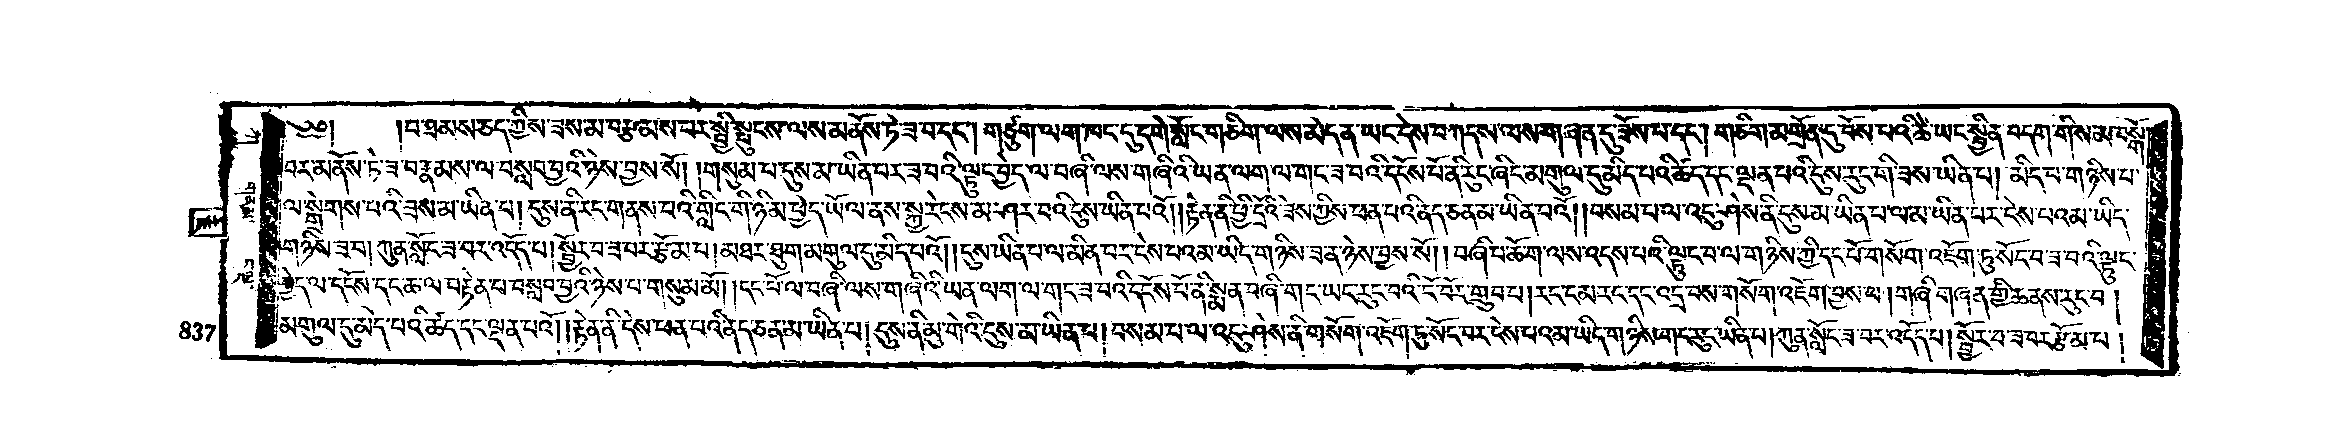༄༅། །བ་ཐམས་ཅད་ཀྱིས་ཟས་མ་བརྩམས་པར་སྤྱི་སྤུངས་ལས་མནོས་ཏེ་ཟ་བ་དང་། གཙུག་ལག་ཁང་དུ་དགེ་སློང་གཅིག་ལས་མེད་ན་ཡང་དེས་བཀད་ས་ལས་གཞན་དུ་ཟོས་པ་དང་། གཅིག་མགྲོན་དུ་བོས་པའི་ཚེ་ཡང་སྦྱིན་བདག་གིས་མ་བསྒོ་
བར་མནོས་ཏེ་ཟ་བ་རྣམས་ལ་བསླབ་བྱའི་ཉེས་བྱས་སོ། །གསུམ་པ་དུས་མ་ཡིན་པར་ཟ་བའི་ལྟུང་བྱེད་ལ་བཞི་ལས་གཞིའི་ཡན་ལག་ལ་གང་ཟ་བའི་དངོས་པོ་ནི་རུང་ཞིང་མགུལ་དུ་མིད་པའི་ཚེད་དང་ལྡན་པའི་དུས་རུང་གི་ཟས་ཡིན་པ། མིད་པ་གཉིས་པ་
ལ་སྒྲེགས་པའི་ཟས་མ་ཡིན་པ། དུས་ནི་རང་གནས་པའི་གླིང་གི་ཉི་མ་ཕྱེད་ཡོལ་ནས་སྐྱ་རེངས་མ་ཤར་བའི་དུས་ཡིན་པའོ། །རྟེན་ནི་ཕྱི་དྲོའི་ཟེས་ཀྱིས་ཕན་པའི་ནད་ཅན་མ་ཡིན་པའོ། །བསམ་པ་ལ་འདུ་ཤེས་ནི་དུས་མ་ཡིན་པ་ལ་མ་ཡིན་པར་ངེས་པའམ་ཡིད་
གཉིས་ཟ་བ། ཀུན་སློང་ཟ་བར་འདོད་པ། སྦྱོར་བ་ཟ་བར་རྩོམ་པ། མཐར་ཐུག་མགུལ་དུ་མིད་པའོ། །དུས་ཡིན་པ་ལ་མིན་པར་ངེས་པའམ་ཡིད་གཉིས་ཟ་ན་ཉེས་བྱས་སོ། །བཞི་པ་ཆོ་ག་ལས་འདས་པའི་ལྟུང་བ་ལ་གཉིས་ཀྱི་དང་པོ་གསོག་འཇོག་ཏུ་སོང་བ་ཟ་བའི་ལྟུང་
བྱེད་ལ་དངོས་དང་ཆ་ལ་བརྟེན་པ་བསླབ་བྱའི་ཉེས་པ་གསུམ་མོ། །དང་པོ་ལ་བཞི་ལས་གཞིའི་ཡན་ལག་ལ་གང་ཟ་བའི་དངོས་པོ་ནི་སྨན་བཞི་གང་ཡང་རུང་བའི་ངོ་བོར་གྲུབ་པ། རང་ངམ་རང་དང་འདྲ་བས་གསོག་འཇོག་བྱས་པ། གཞི་གཞན་གྱི་ཆ་ནས་རུང་བ།
མགུལ་དུ་མེད་པའི་ཚད་དང་ལྡན་པའོ། །རྟེན་ནི་དེས་ཕན་པའི་ནད་ཅན་མ་ཡིན་པ། དུས་ནི་མུ་གེའི་དུས་མ་ཡིན་པ། བསམ་པ་ལ་འདུ་ཤེས་ནི་གསོག་འཇོག་ཏུ་སོང་བར་ངེས་པའམ་ཡིད་གཉིས་གང་རུང་ཡིན་པ། ཀུན་སློང་ཟ་བར་འདོད་པ། སྦྱོར་བ་ཟ་བར་རྩོམ་པ།